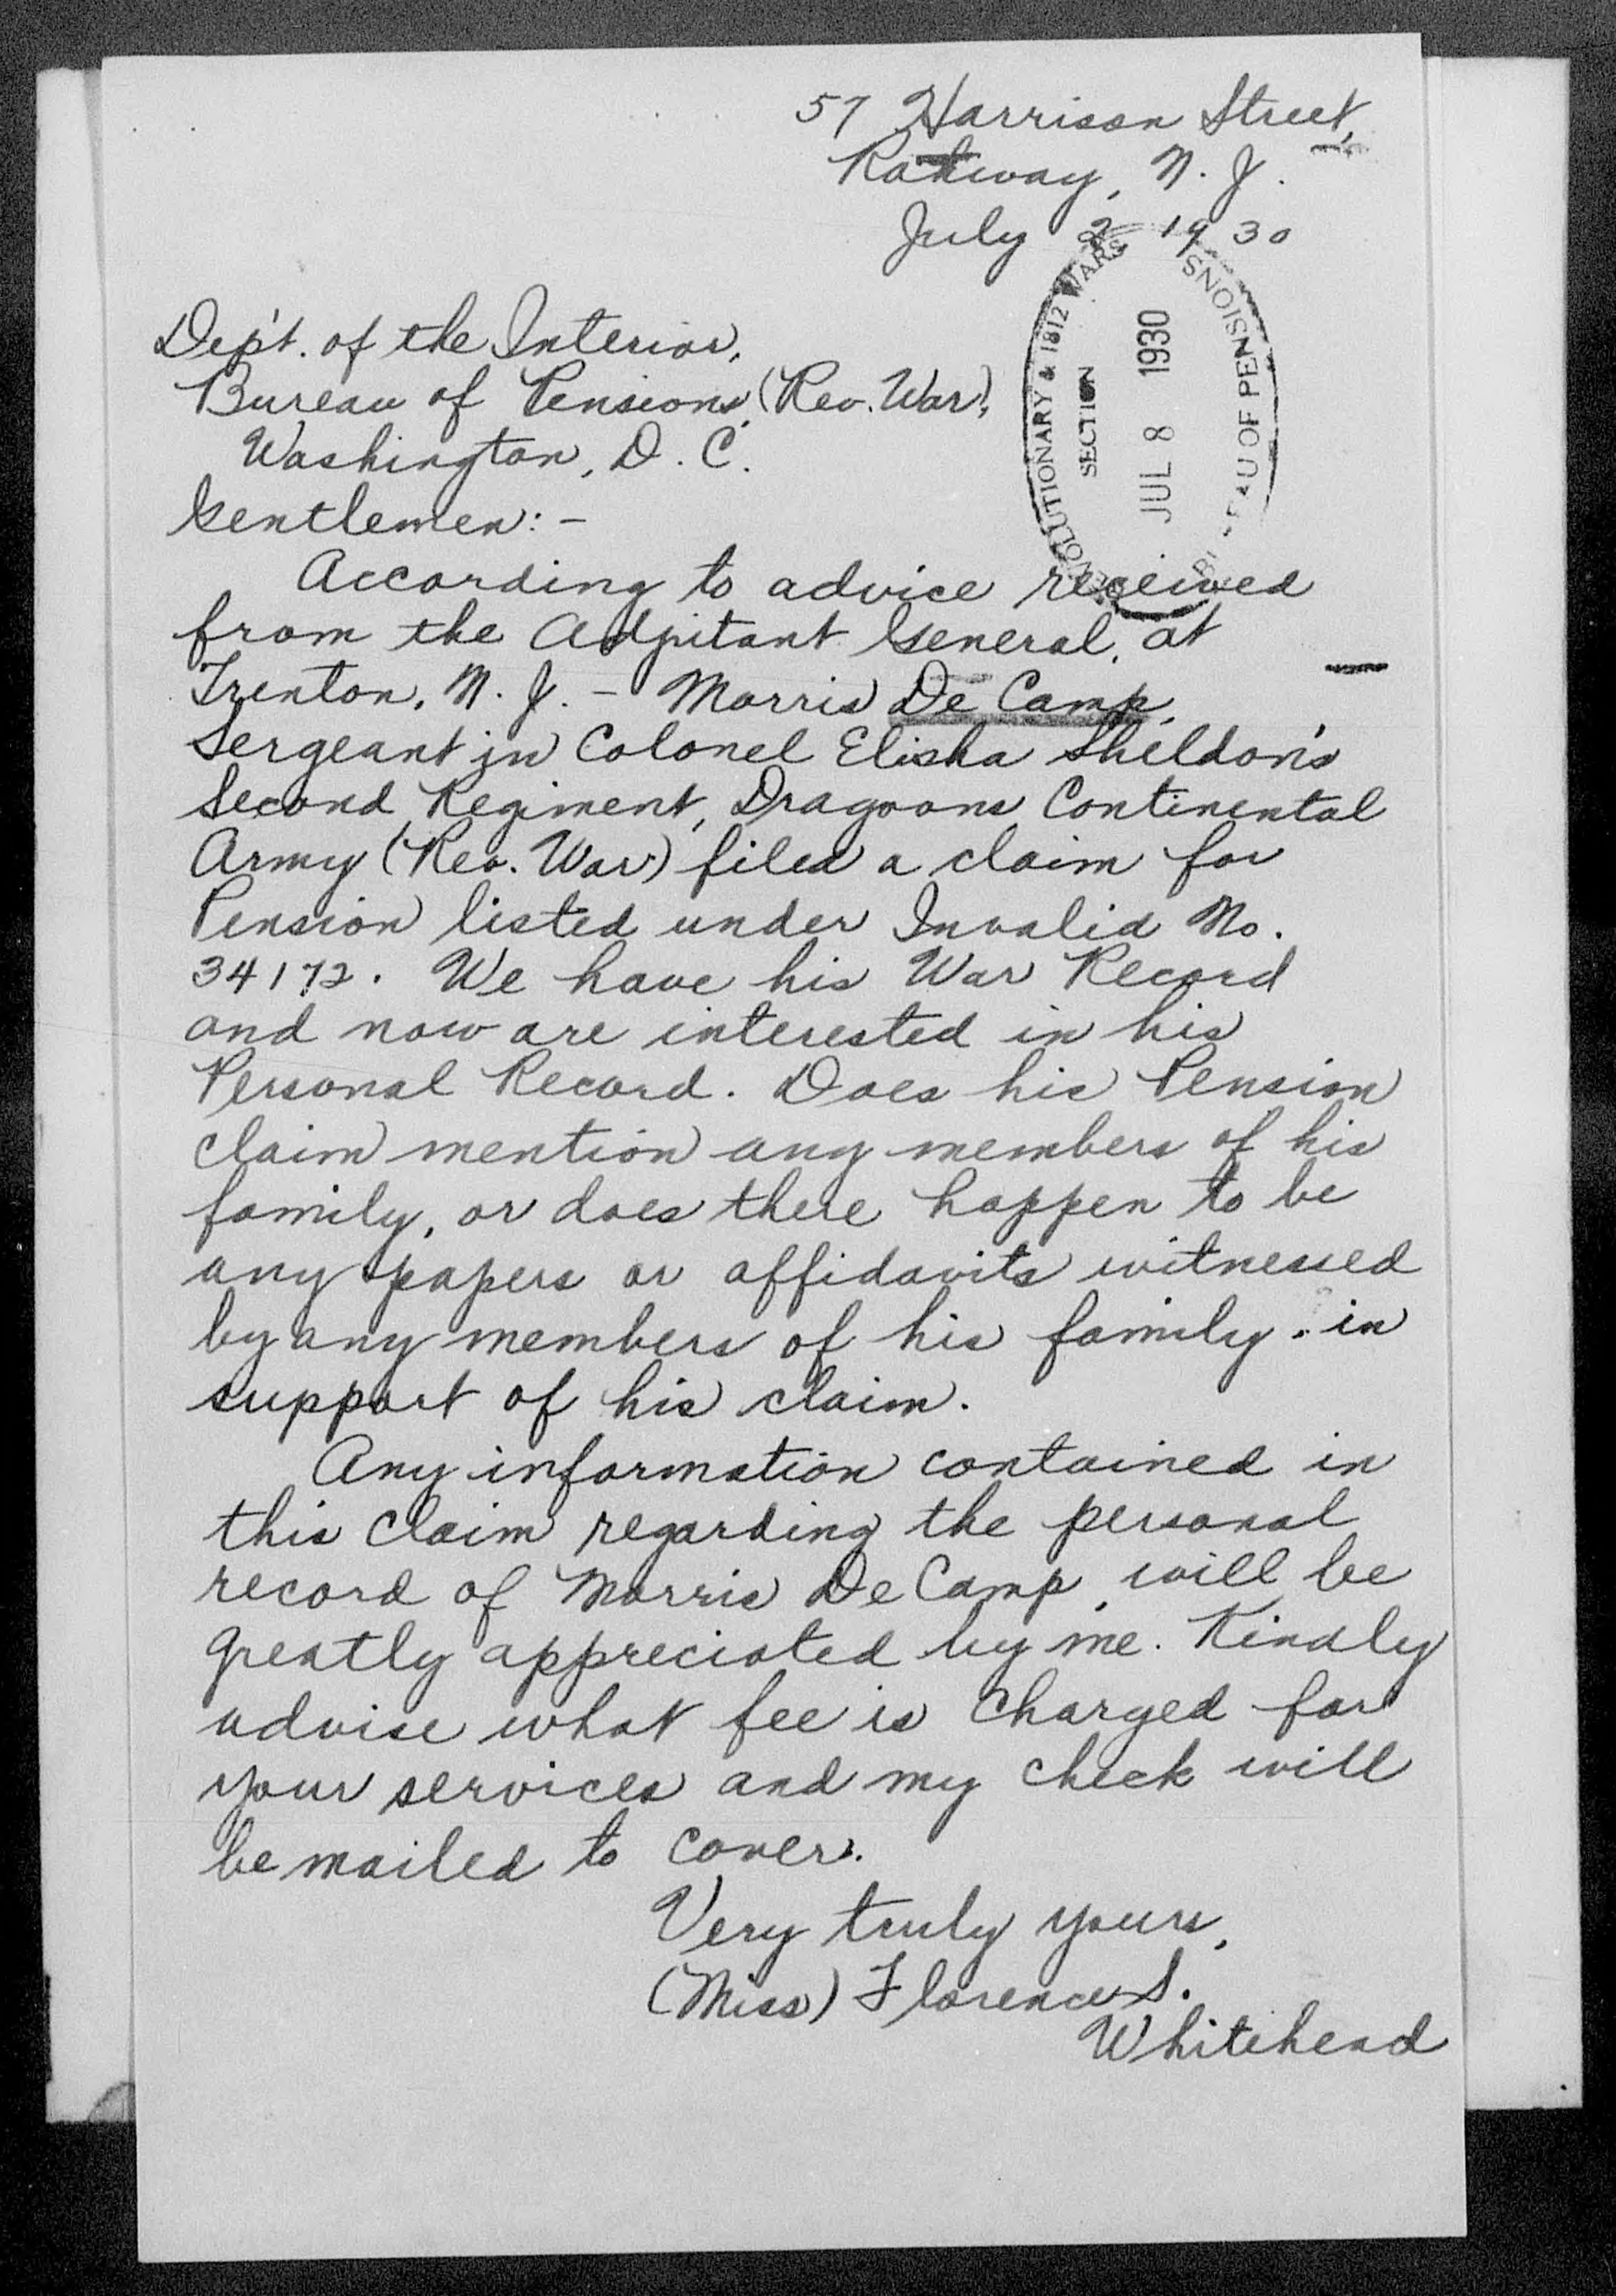57 Harrison Street
Rahway, N.J.
July 2, 1930

Dept. of the Interior,
Bureau of Pensions, (Rev. War)
Washington, D.C
Gentlemen:-
    According to advice received from the Adjutant General at Trenton, N.J. - Morris De Camp Sergeant in Colonel Elisha Sheldon's Second Regiment, Dragoons Continental Army (Rev. War) filed a claim for Pension listed under Invalid No. 34172.  We have his War Record and now are interested in his Personal Record. Does his Pension claim mention any member of his family, or does there happen to be any papers or affidavits witnessed by any members of his family in support of his claim. 
   Any information contained in this claim regarding the personal record of Morris De Camp will be greatly appreciated by me. Kindly advise what fee is charged for your services and my check will be mailed to cover. 
Very truly yours, (Miss) Florence S. Whitehead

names: Morris De Camp, Florence S Whitehead, Morris De Camp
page: 42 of 52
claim: survivor's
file: S. 34172, Morris D Camp, Continental (New Jersey)